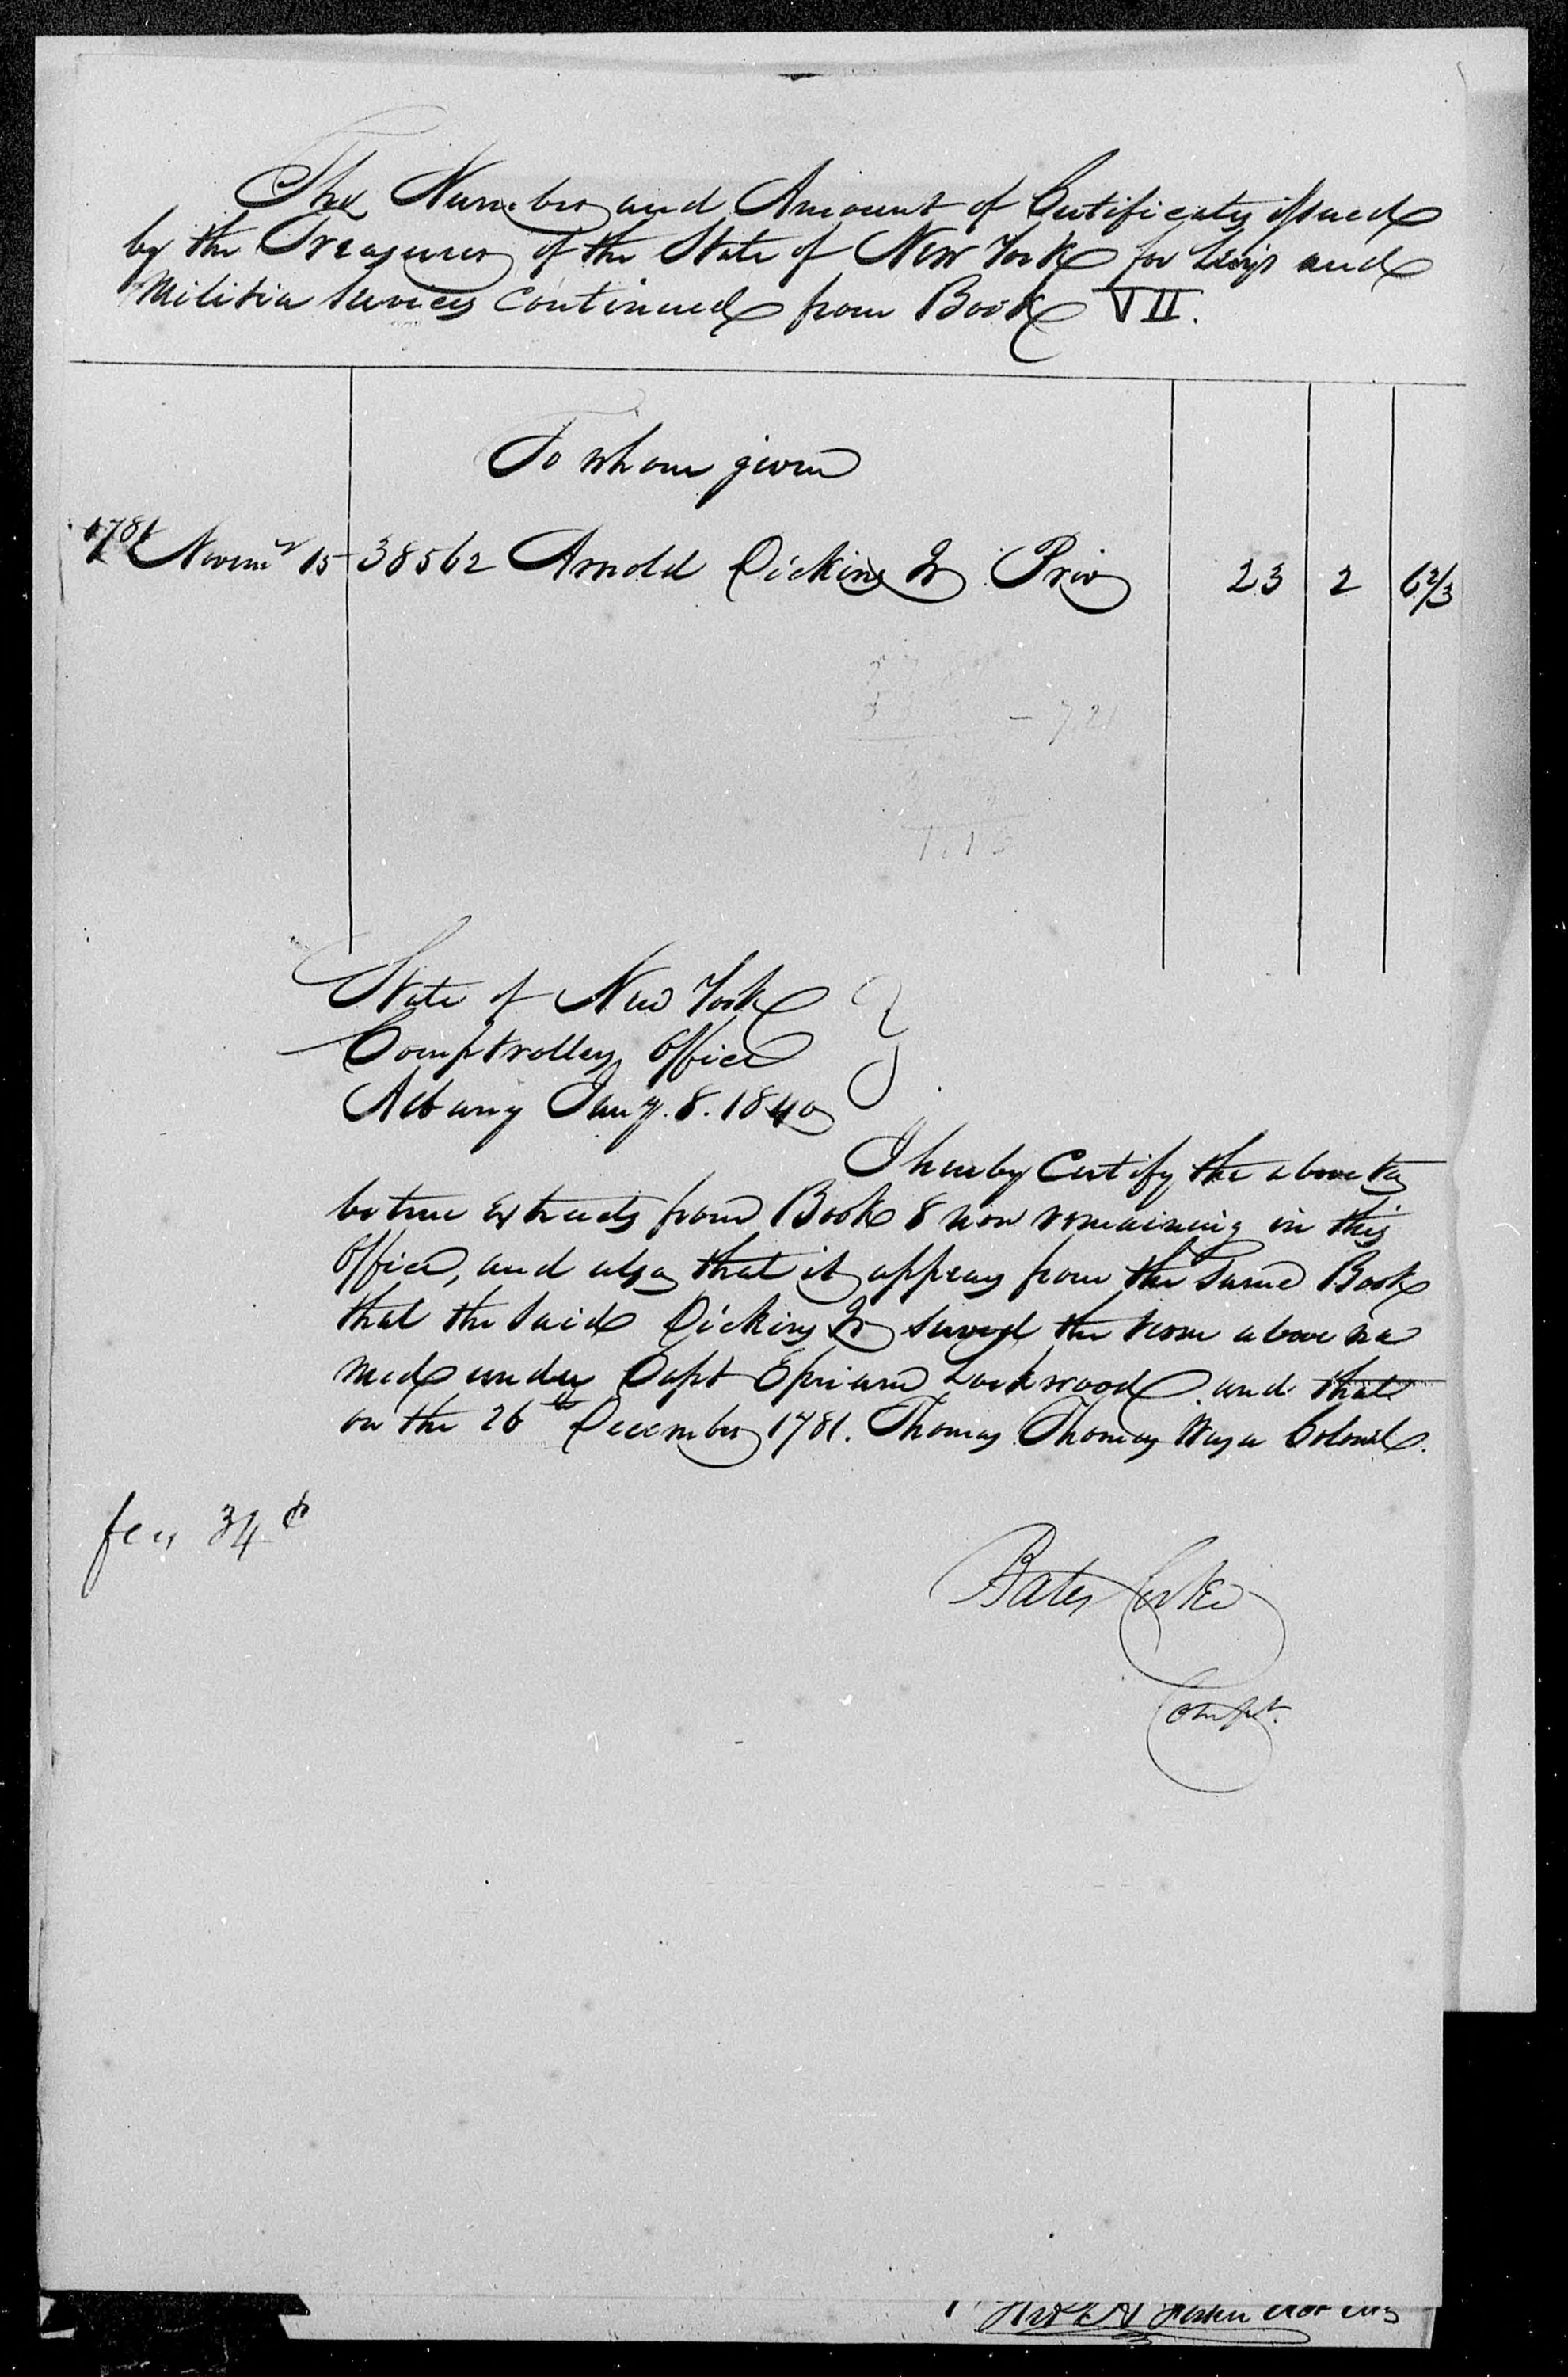The Number and Amount of Certificates issued by the Treasurer of the State of New York for [illegible] and Militia Services continued from Book VII.

To whom given
1781 Novem'r 15 38562  Arnold Dickins Jr. Priv
23   2   6 2/3 

State of New York}
Comptrollers Office}
Albany Jany. 8. 1840.}
I hereby Certify the above to be true Extracts from Book 8 now remaining in this office, and also that it appears from the same Book that the said Dickins Jr Served the term above [illegible] under Capt Ephriam Lockwood and that on the 26th December 1781.
Thomas Thomas [illegible] Colonel.

Bates Cooke
Compt.

Copyists note:  Misspellings & errors are from original document.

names: Dickins, Thomas Thomas, Arnold Dickins, Bates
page: 27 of 29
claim: widow's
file: W. 17720, Arnold Dickens, New York